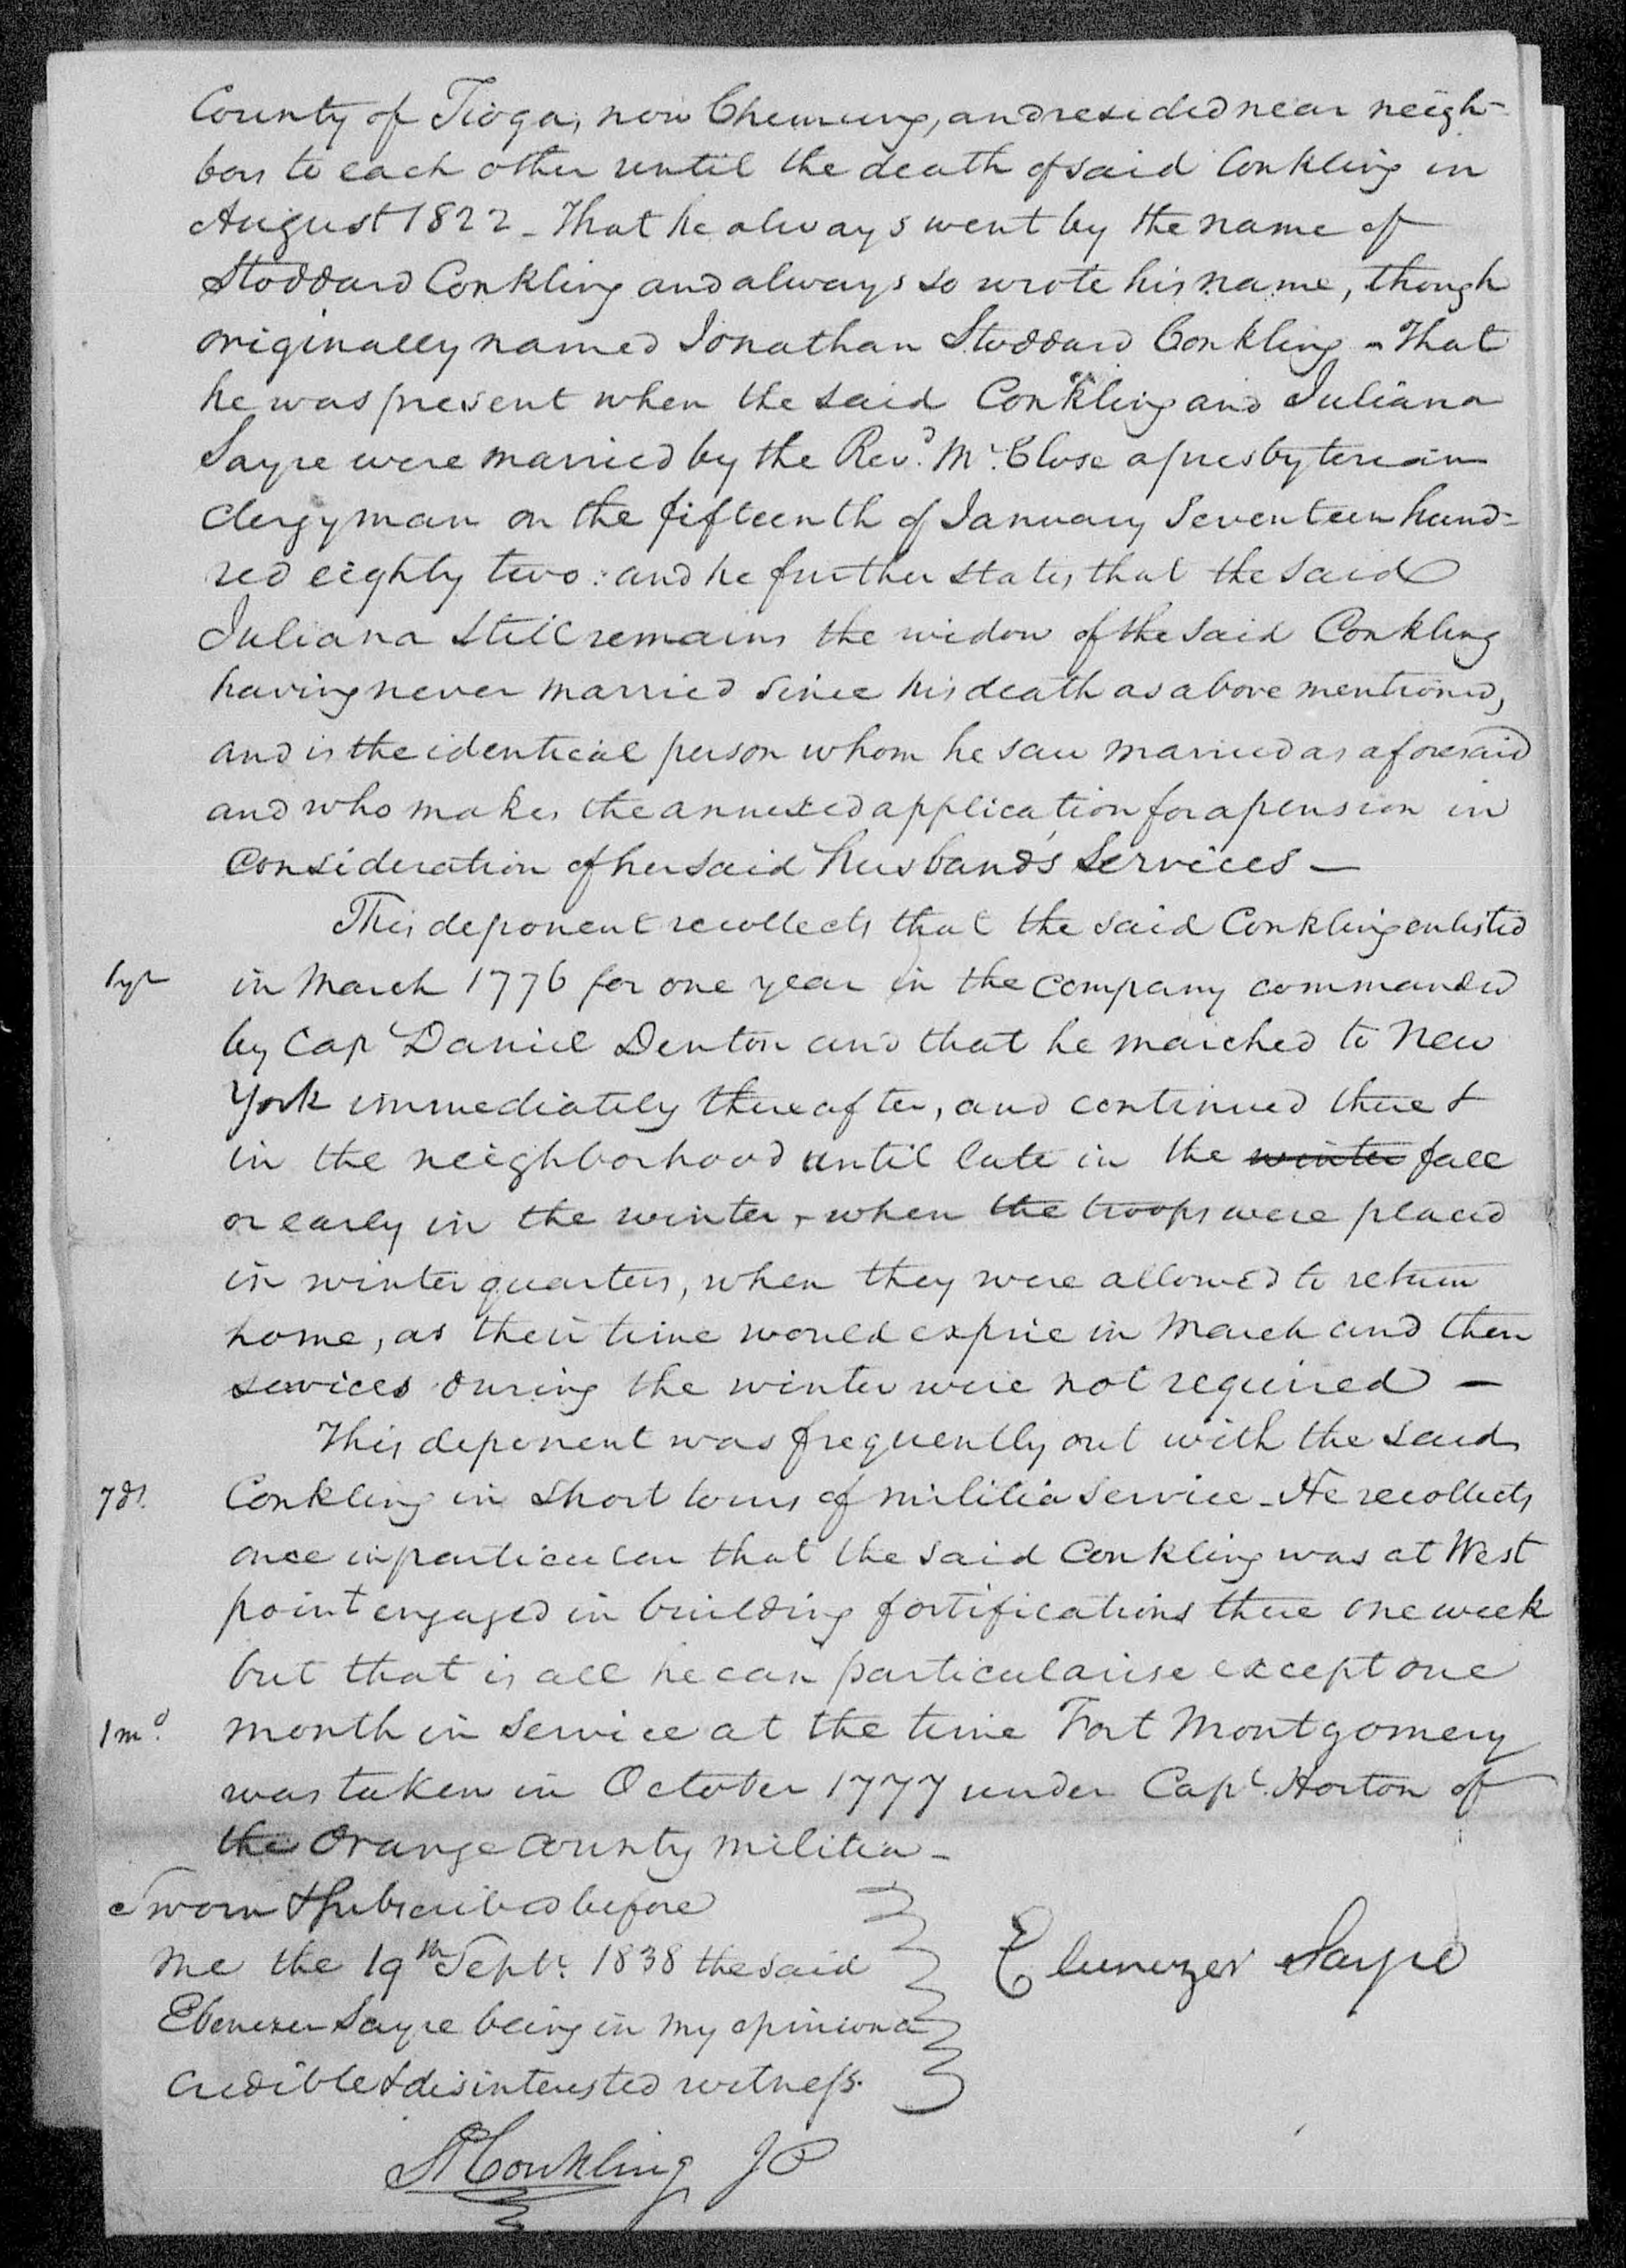county of Tioga, now Chemung, and resided near neighbor to each other until the death of said Conkling in August 1822. That he always went by the name of Stoddard Conkling  and always so wrote his name, though originally named Jonathan Stoddard Conkling. That he was present when the said Conkling and Juliana Sayre were married by the Rev. M Close a presbyterian clergyman on the fifteenth of January seventeen hundred eighty two and he further states that the said Juliana still remains the widow of the said Conkling having never married since his death above mentioned, and is the identical person whom he saw married as aforesaid and who makes the annexed application for a pension in consideration of her said husband's services.
This deponent recollects that the said Conkling enlisted in March 1776 for one year in the company commanded by Cap Daniel Denton and that he marched to New York immediately thereafter, and continued there + in the neighborhood until late in the fall or early in the winter when the troops were  placed in winter quarters, when they were allowed to return home, as their time would expire in March and then services during the winter were not required.
This deponent was frequently out with the said Conkling in short  tours of militia service. He recollects once in particular that the said Conkling was at West Point engaged in building fortifications there one week but that is all he can particularise except one month in service at the time Fort Montgomery was taken in October 1777 under Capt. Horton of the Orange county militia.  Ebenezer Sayre
Sworn + subscribed before me the 19th Sept. 1838 the said Ebenezer Sayre being in my opinion a credible + disinterested witness. S Conkling JP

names: Conkling, Juliana Sayre, Conkling, Horton, Ebenezer Sayre, Conkling, Conkling, Daniel Denton, Close, Stoddard Conkling, Ebenezer Sayre, Conkling, St Conkling, Juliana, Jonathan Stoddard Conkling, Conkling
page: 11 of 18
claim: widow's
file: W. 18,939, Jonathan S Conkling, New York